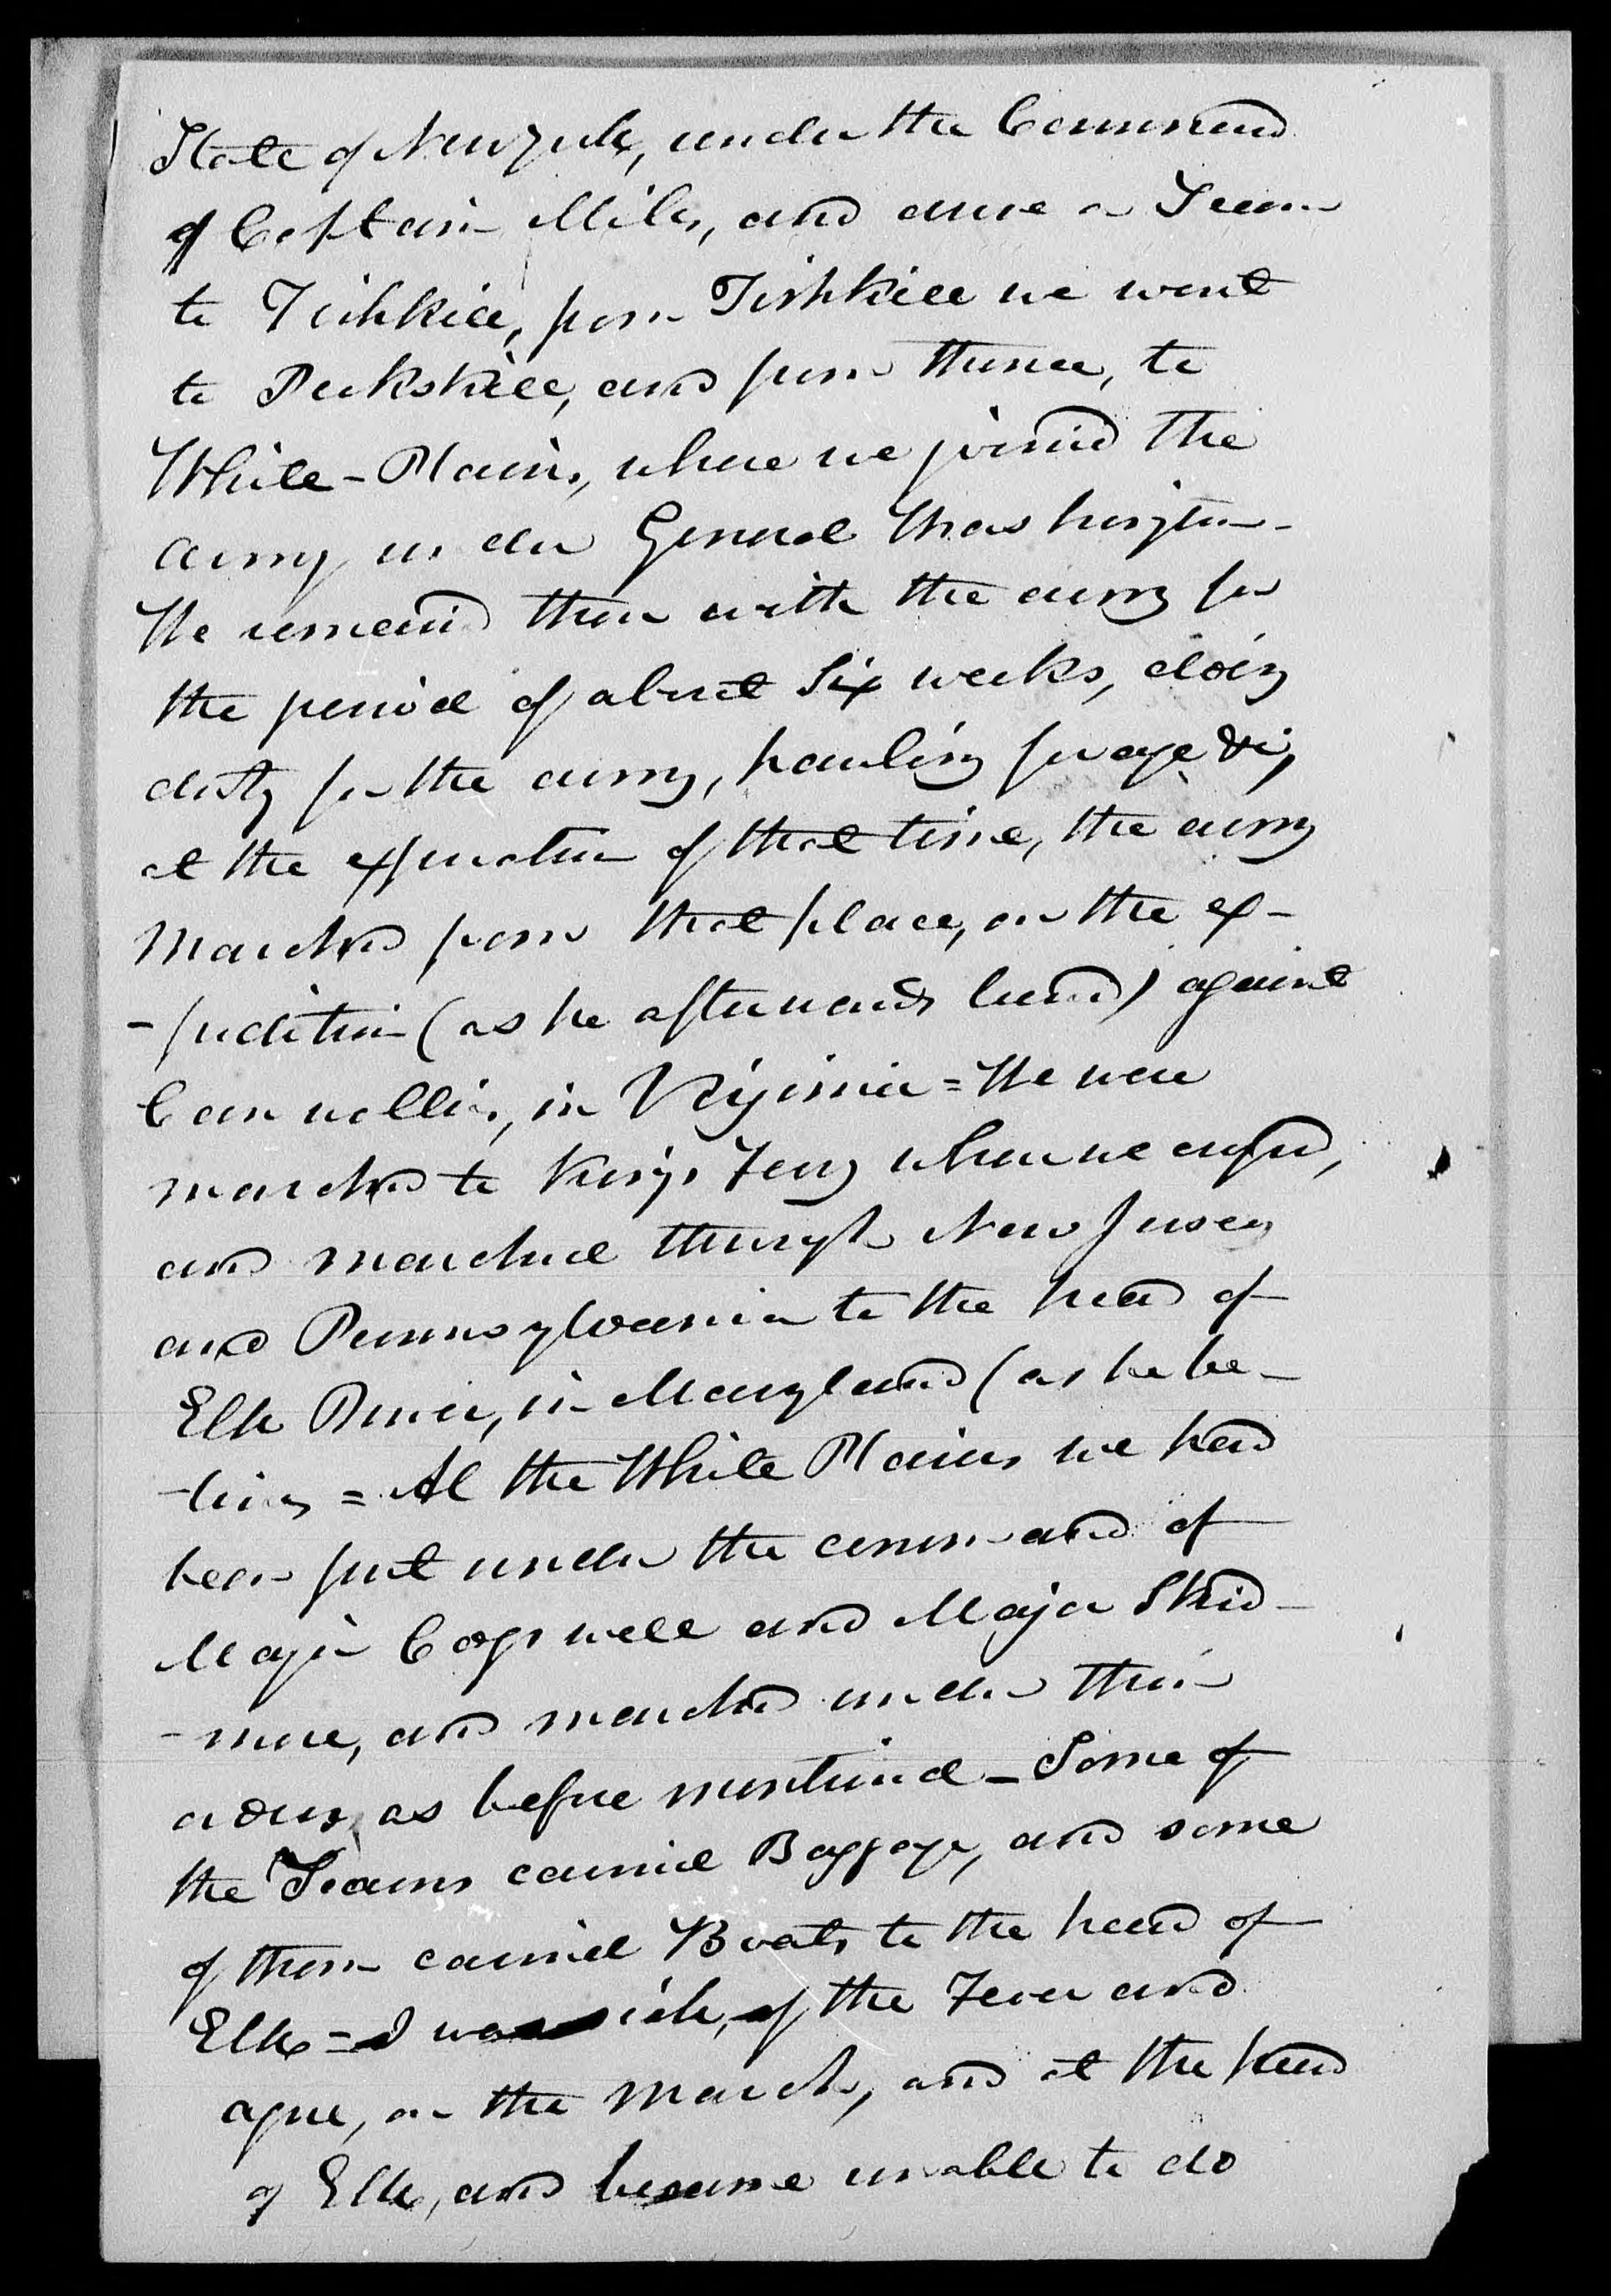State of New York, under the command of Captain Miles, and were a team to Fishkill, from Fishkill we went to Peckshill, and from there, to White-Plain, where we joined the army under General Washington. We remained there with the army for the period of about six weeks, doing duty for the army, hauling forage &c, at the expedition of the time, the army marched from that place, on the expedition (as he afterwards [unk]) against Cornwallis, in Virginia. We were marched to Vessy's Ferry when we [unk] and marched through New Jersey and Pennsylvania to the head of Elk River, in Maryland (as he believes). At White Plains we were held just under the command of Major Cogswell and Major Skidmore, and marched under their orders as before mentioned. Some of the Teams carried baggage, and some of them carried Boats, to the head of Elk. I was ill of the fever and ague, on the march, and at the head of Elk, and became unable to do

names: [BLANK] Cogswell; [BLANK] Washington; [BLANK] Skidmore; [BLANK] Miles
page: 3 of 13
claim: rejected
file: R 10420, for Martin Tayler, Connecticut